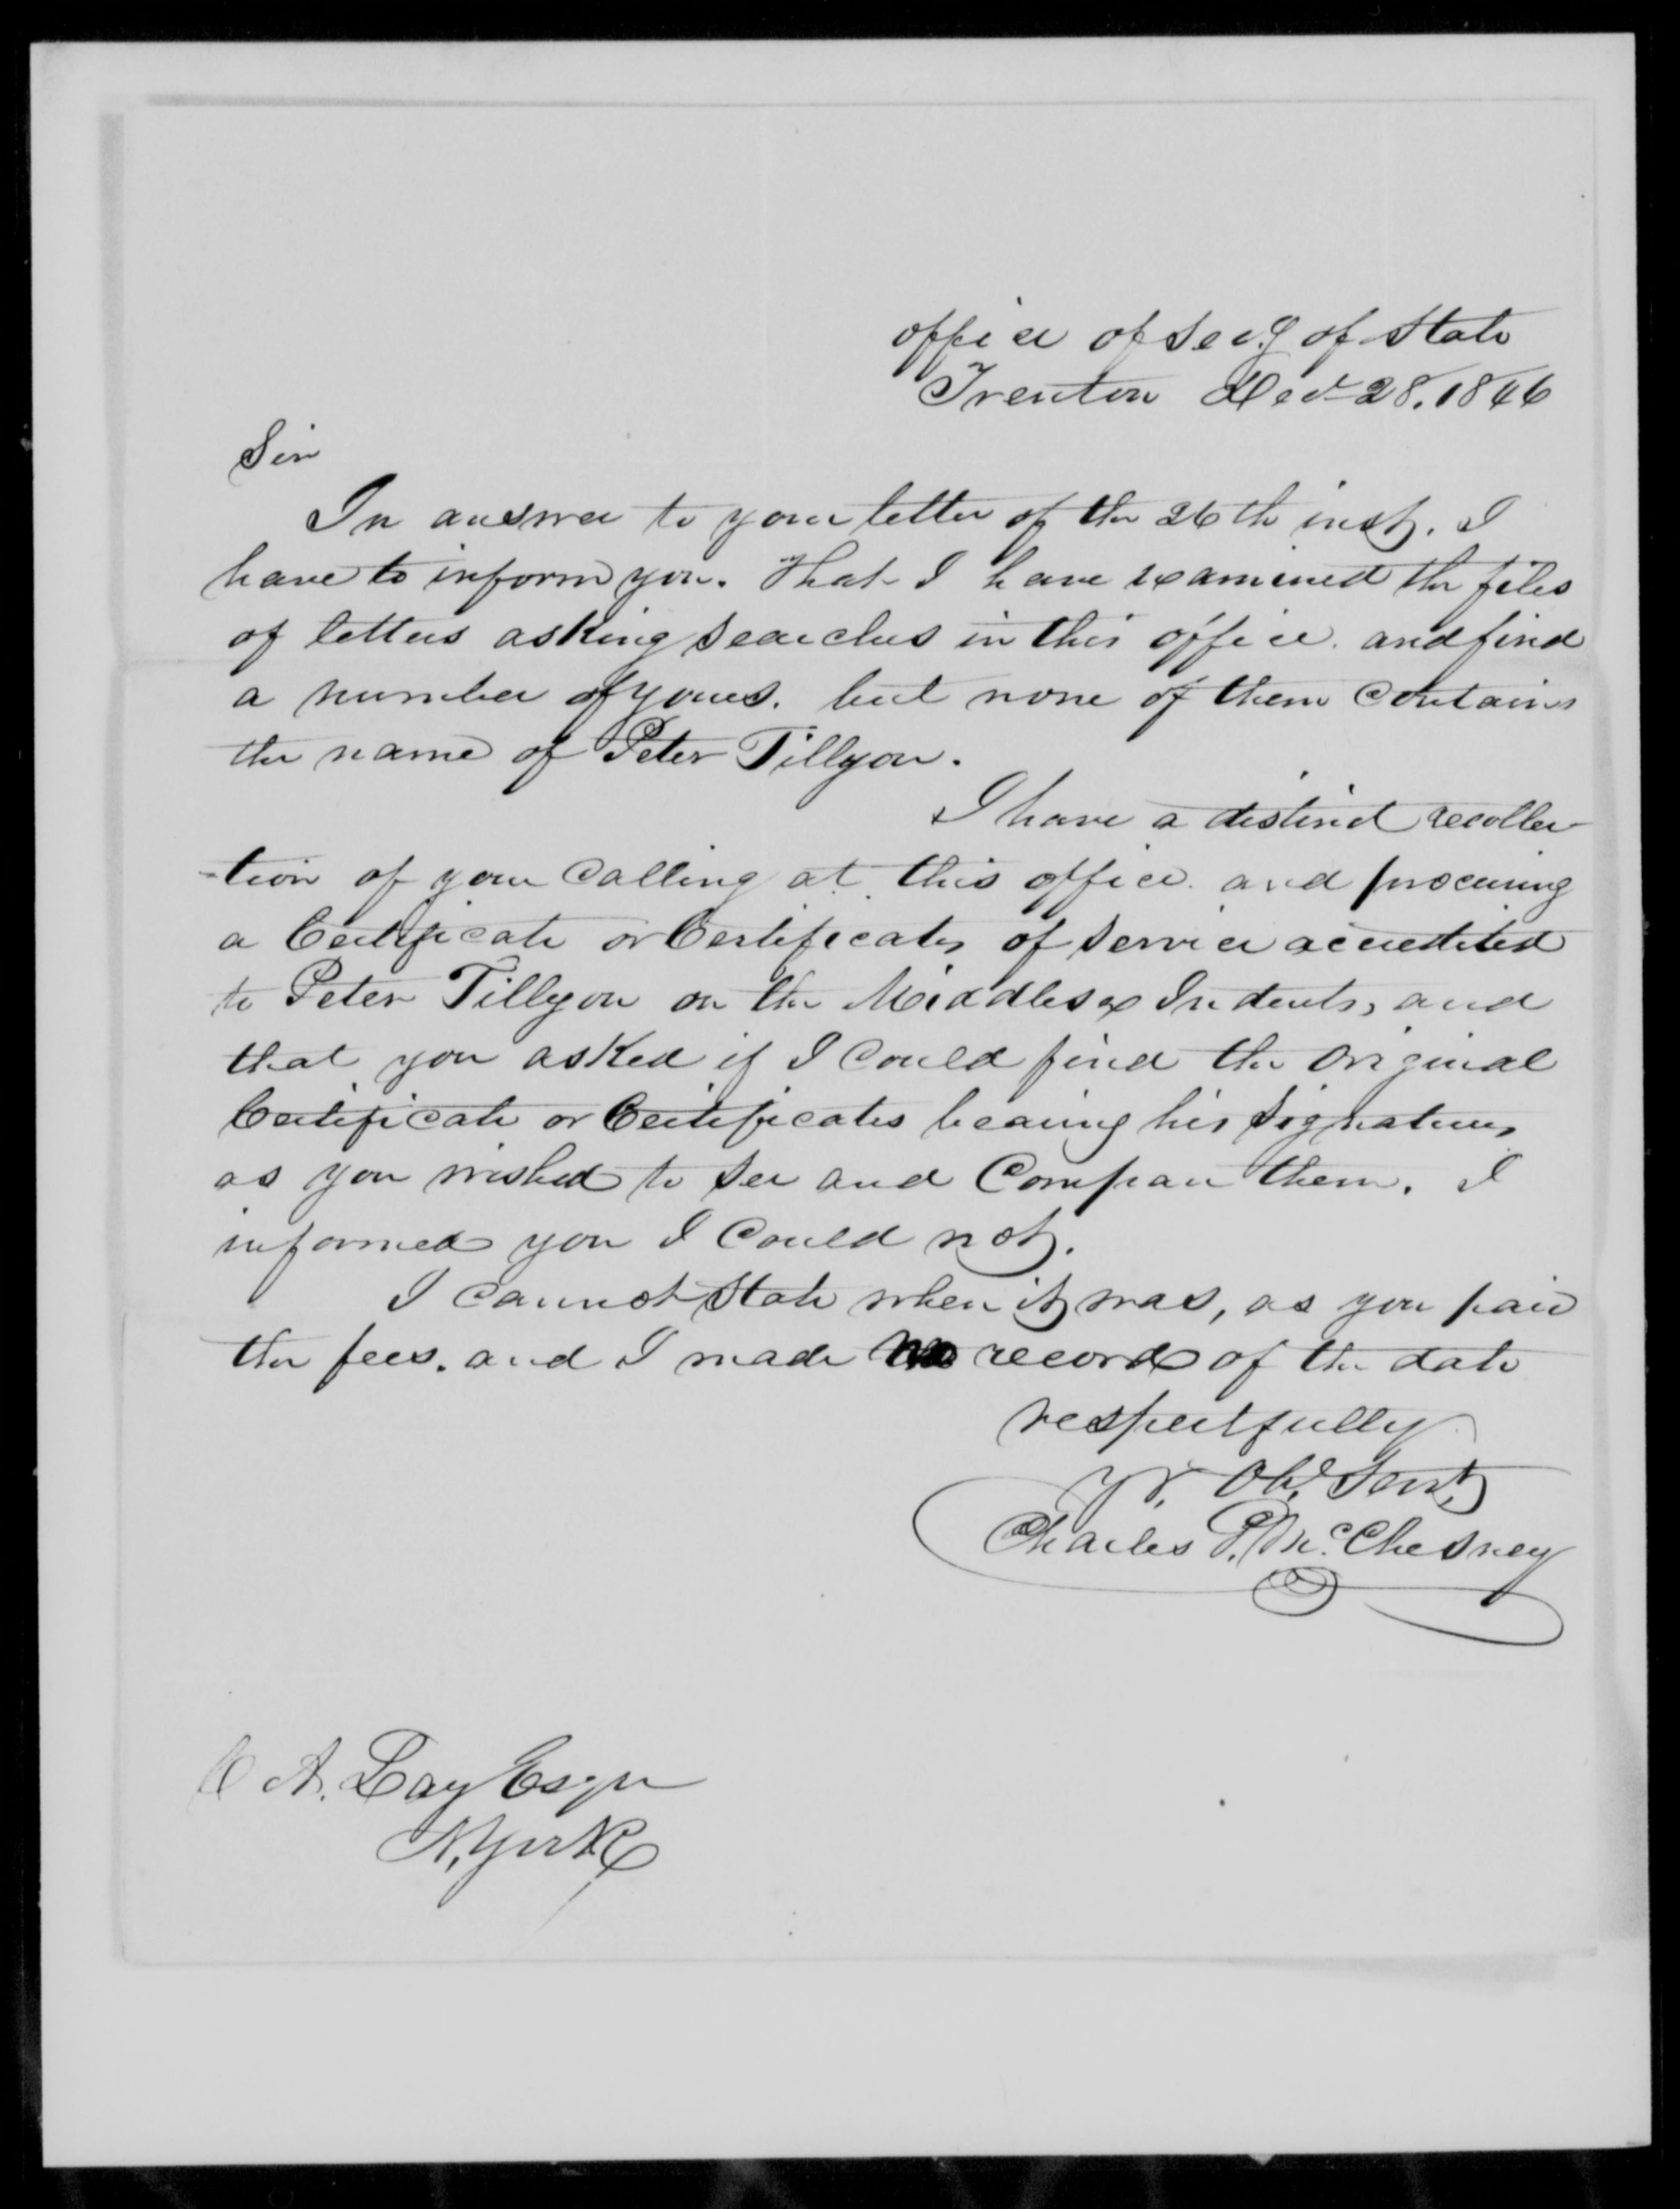Office of Secy of State
           Trenton  Dec 28, 1846

Sir

    In answer to your letter of the 26th inst. I have to inform you, that I have examined the files of letters asking searches in this office and find a number of yours, but none of them contains the name of Peter Tilyou.
                                                        I have a
distinct recollection of your calling at this office and procuring a Certificate or Certificates of Service accredited to Peter Tilyou on the Middlesex Interests, and that you asked if I could find the original Certificate or Certificates bearing his signatures as you wished to see and compare them. I informed you I could not.
  I cannot state when it was as you paid the fees and I made no records of the date.            

         Respectfully
       Your obed Servt
         Charles P. McChesney

C A Lay Esq.
N York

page: 38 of 101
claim: widow's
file: W. 25481, for Peter V Tilyou, New Jersey